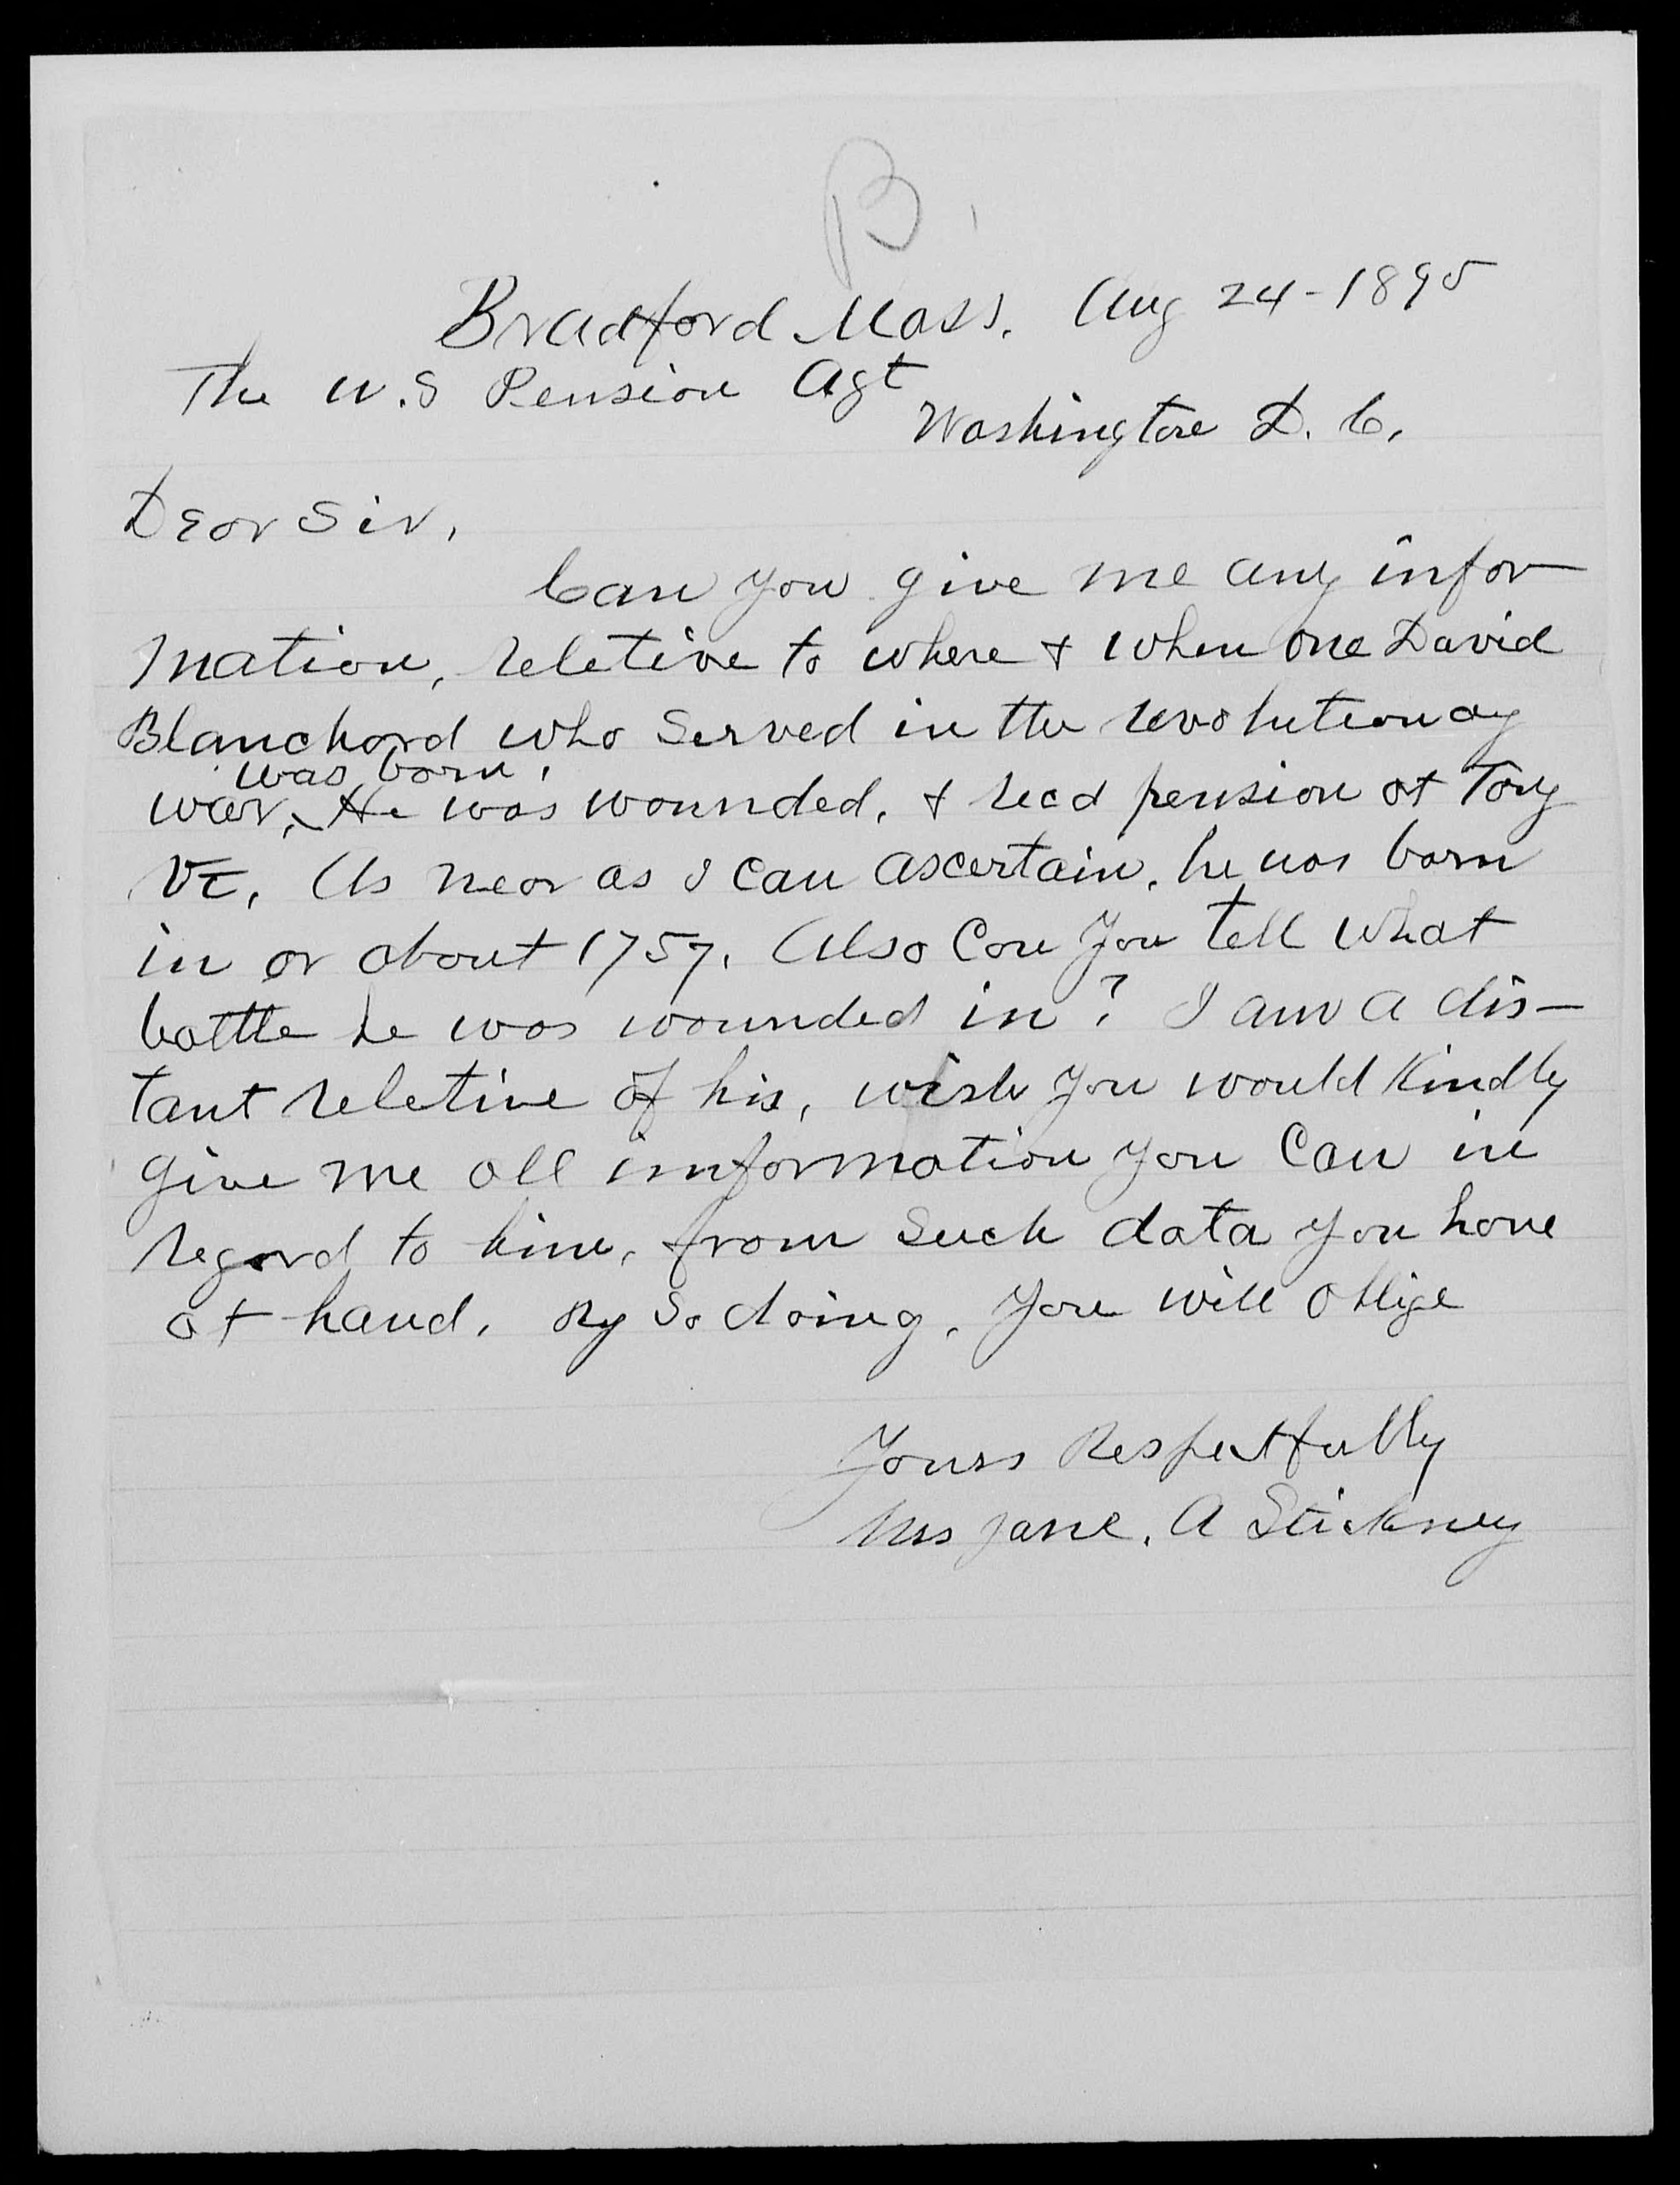B
Bradford Mass. Aug 24-1895
the U.S. Pension Agt
Washington D.C.
Dear Sir
Can you give me any information, relative to where & when one David Blanchard who served in the revolutionary war was born. He was wounded, & recd pension at Troy Vt. As near as I can ascertain, he was born in or about 1757. Also can you tell what battle he was wounded in? I am a distant relative of his, wish you would kindly give me all information you can in regard to him, from such data you have at hand, by so doing, you will oblige.
Yours Respectfully
Mrs Jane A Stickney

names: David Blanchard, Jane A Stickney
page: 21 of 23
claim: survivor's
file: S. 12237, David Blanchard, N. H.